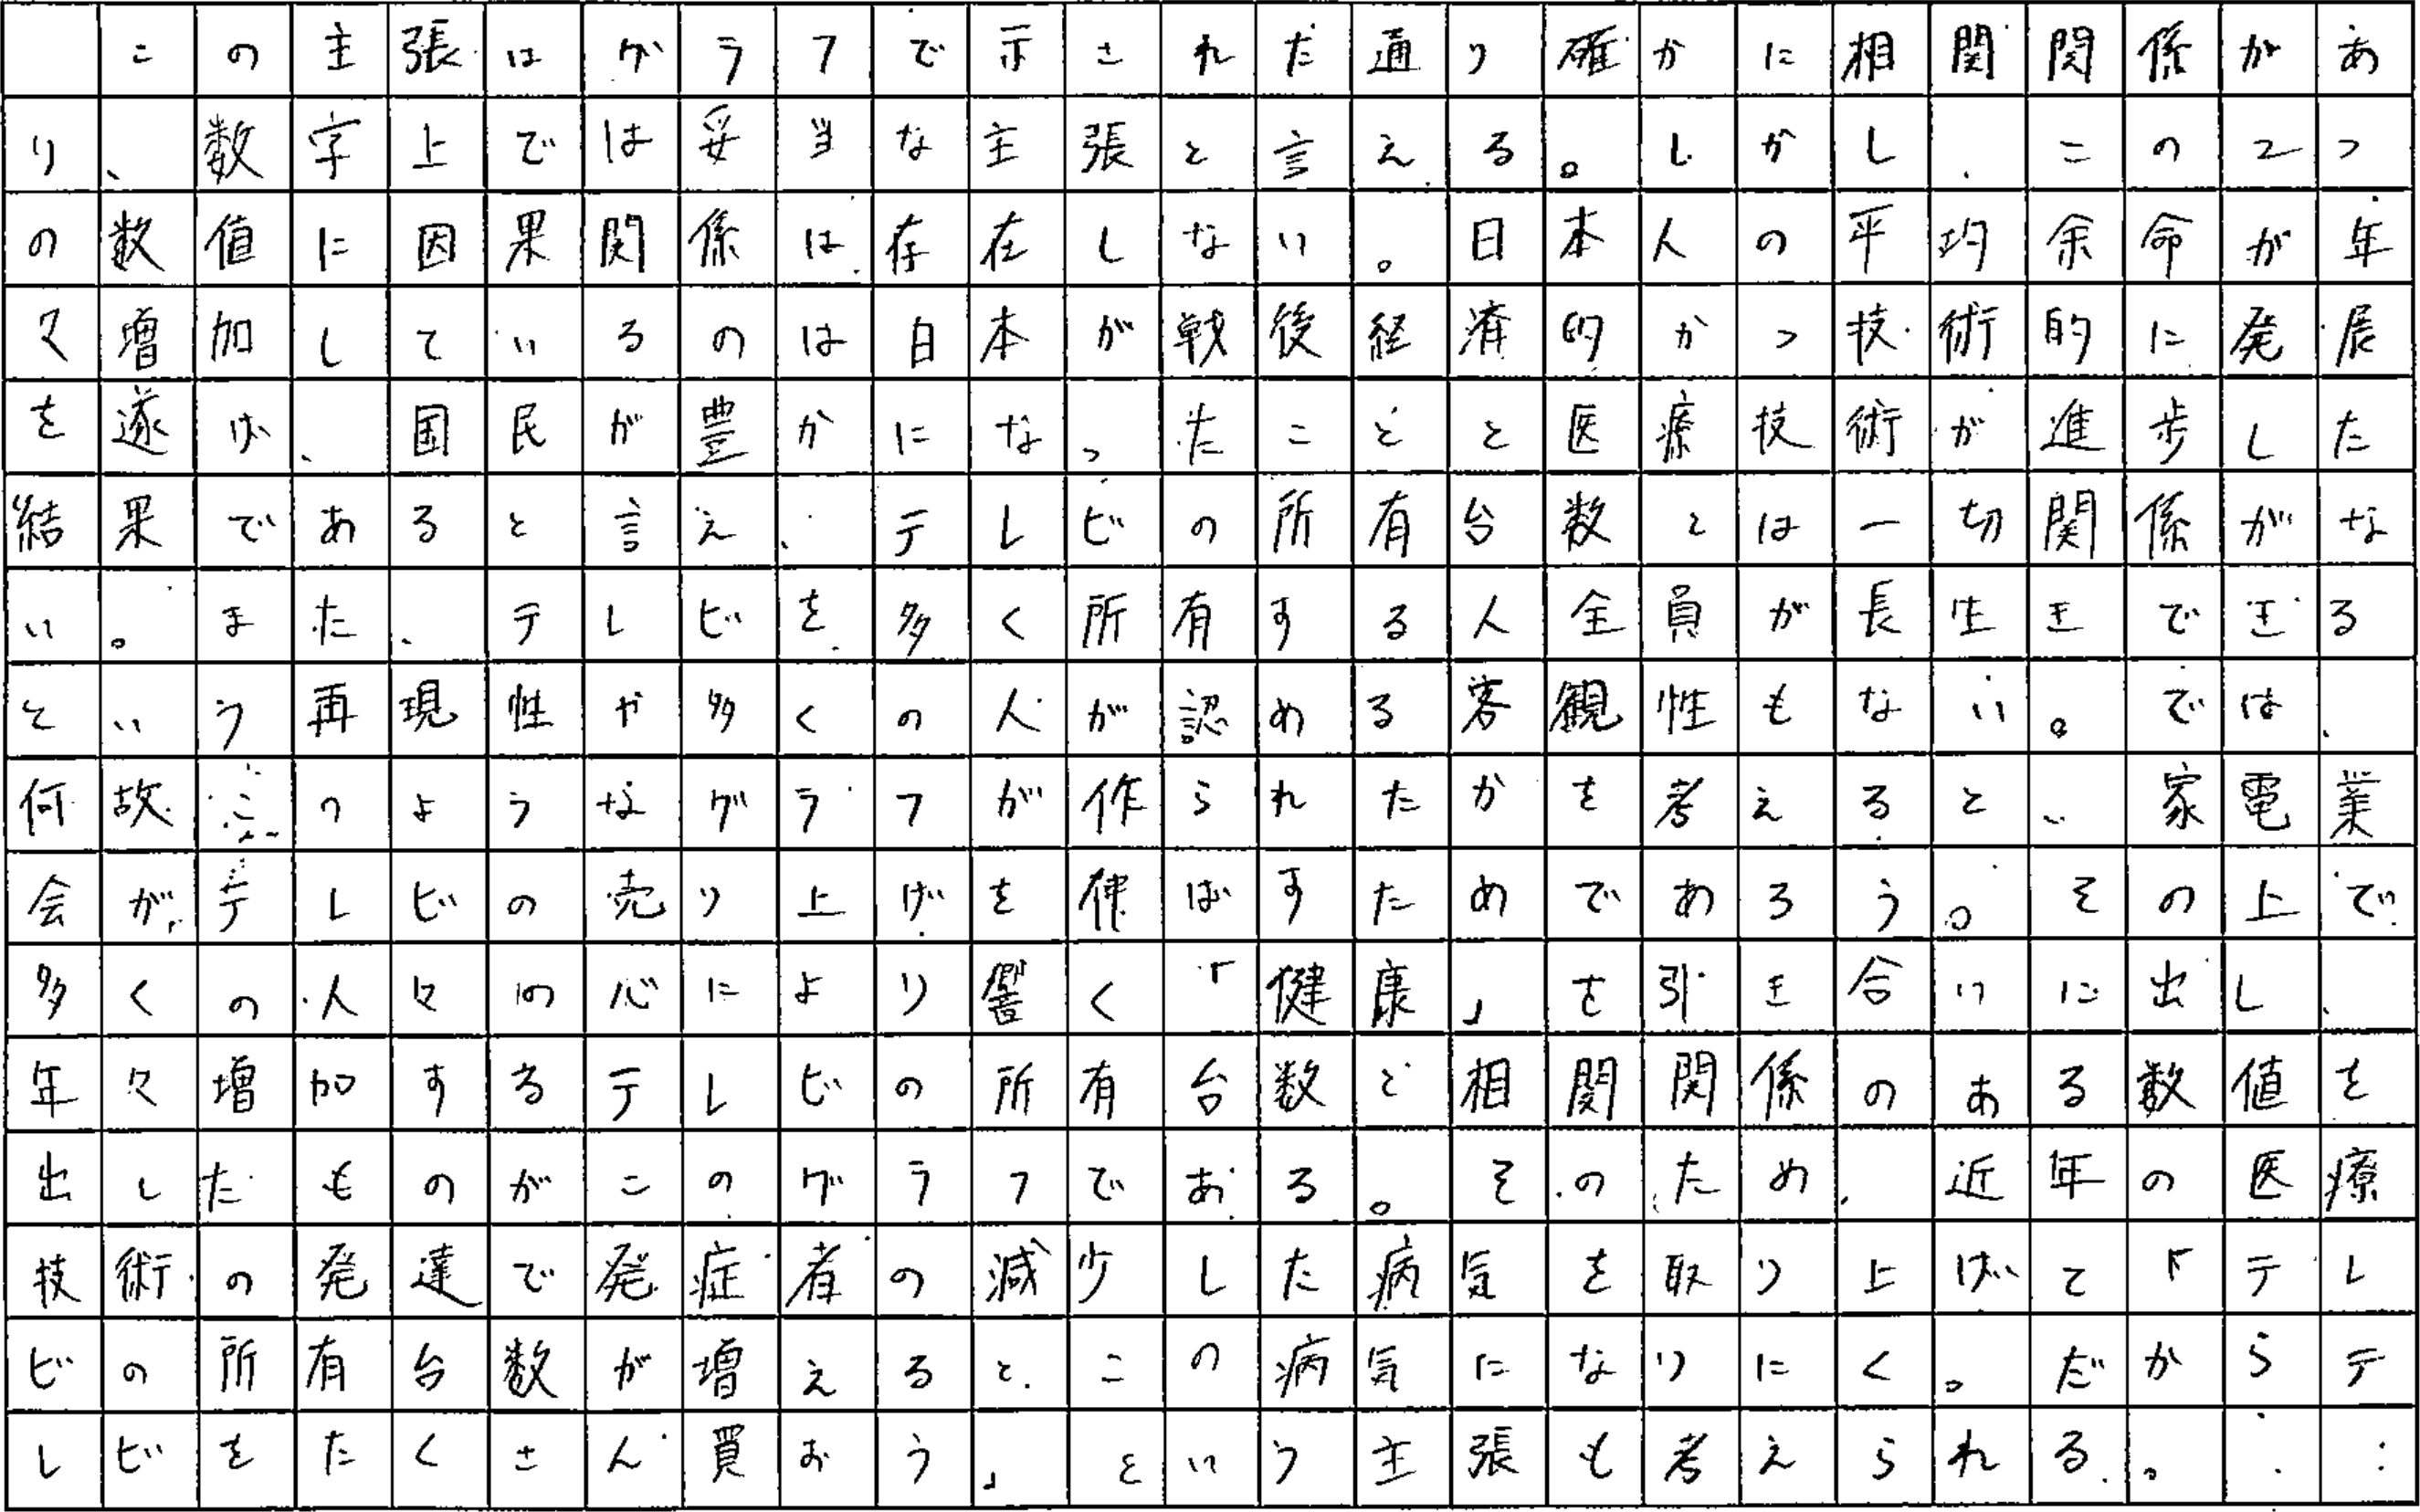　この主張はグラフで示された通り確かに相関関係があり、数字上では妥当な主張と言える。しかし、この２つの数値に因果関係は存在しない。日本人の平均余命が年々増加しているのは日本が戦後経済的かつ技術的に発展を遂げ、国民が豊かになったことと医療技術が進歩した結果であると言え、テレビの所有台数とは一切関係がない。また、テレビを多く所有する人全員が長生きできるという再現性や多くの人が認める客観性もない。では、何故このようなグラフが作られたかを考えると、家電業会がテレビの売り上げを伸ばすためであろう。その上で多くの人々の心により響く「健康」を引き合いに出し、年々増加するテレビの所有台数と相関関係のある数値を出したものがこのグラフである。そのため、近年の医療技術の発達で発症者の減少した病気を取り上げて「テレビの所有台数が増えるとこの病気になりにく。だからテレビをたくさん買おう」という主張も考えられる。
